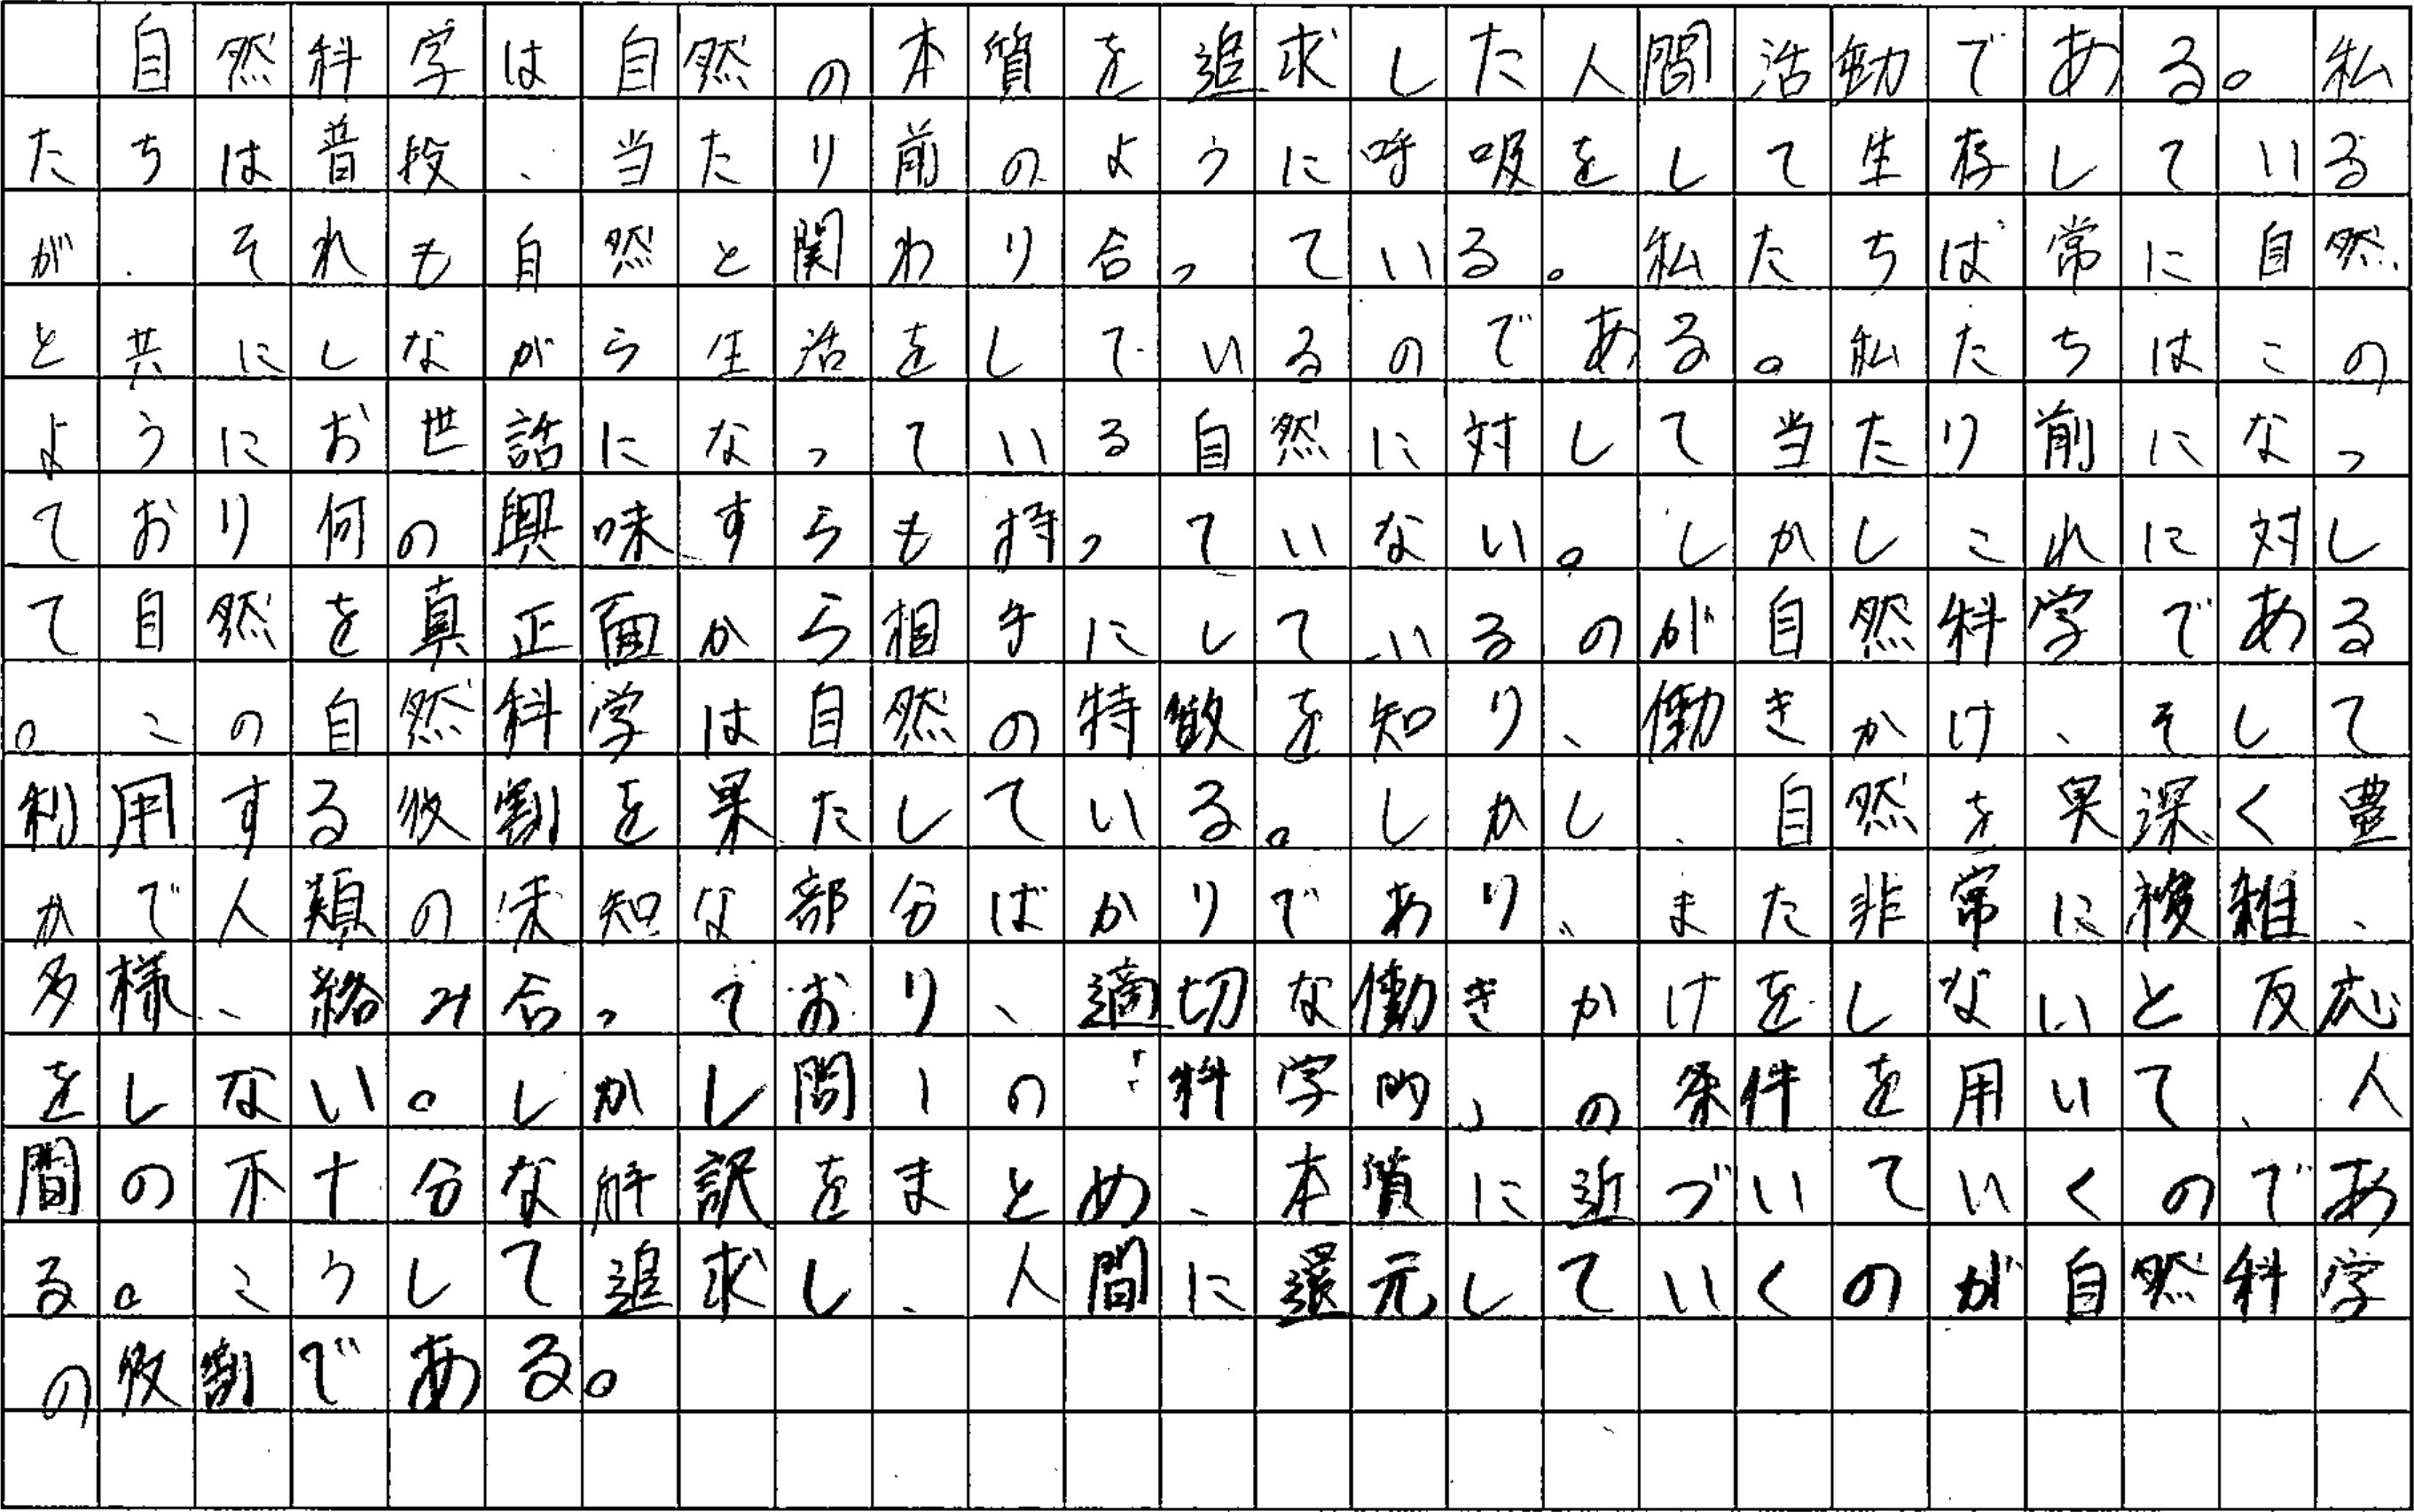　自然科学は自然の本質を追求した人間活動である。私たちは普段、当たり前のように呼吸をして生存しているが、それも自然と関わり合っている。私たちは常に自然と共にしながら生活をしているのである。私たちはこのようにお世話になっている自然に対して当たり前になっており何の興味すらも持っていない。しかしこれに対して自然を真正面から相手にしているのが自然科学である。この自然科学は自然の特徴を知り、働きかけ、そして利用する役割を果たしている。しかし、自然を奥深く豊かで人類の未知な部分ばかりであり、また非常に複雑、多様、絡み合っており、適切な働きかけをしないと反応をしない。しかし問１の「科学的」の条件を用いて、人間の不十分な解訳をまとめ、本質に近づいていくのである。こうして追求し、人間に還元していくのが自然科学の役割である。
